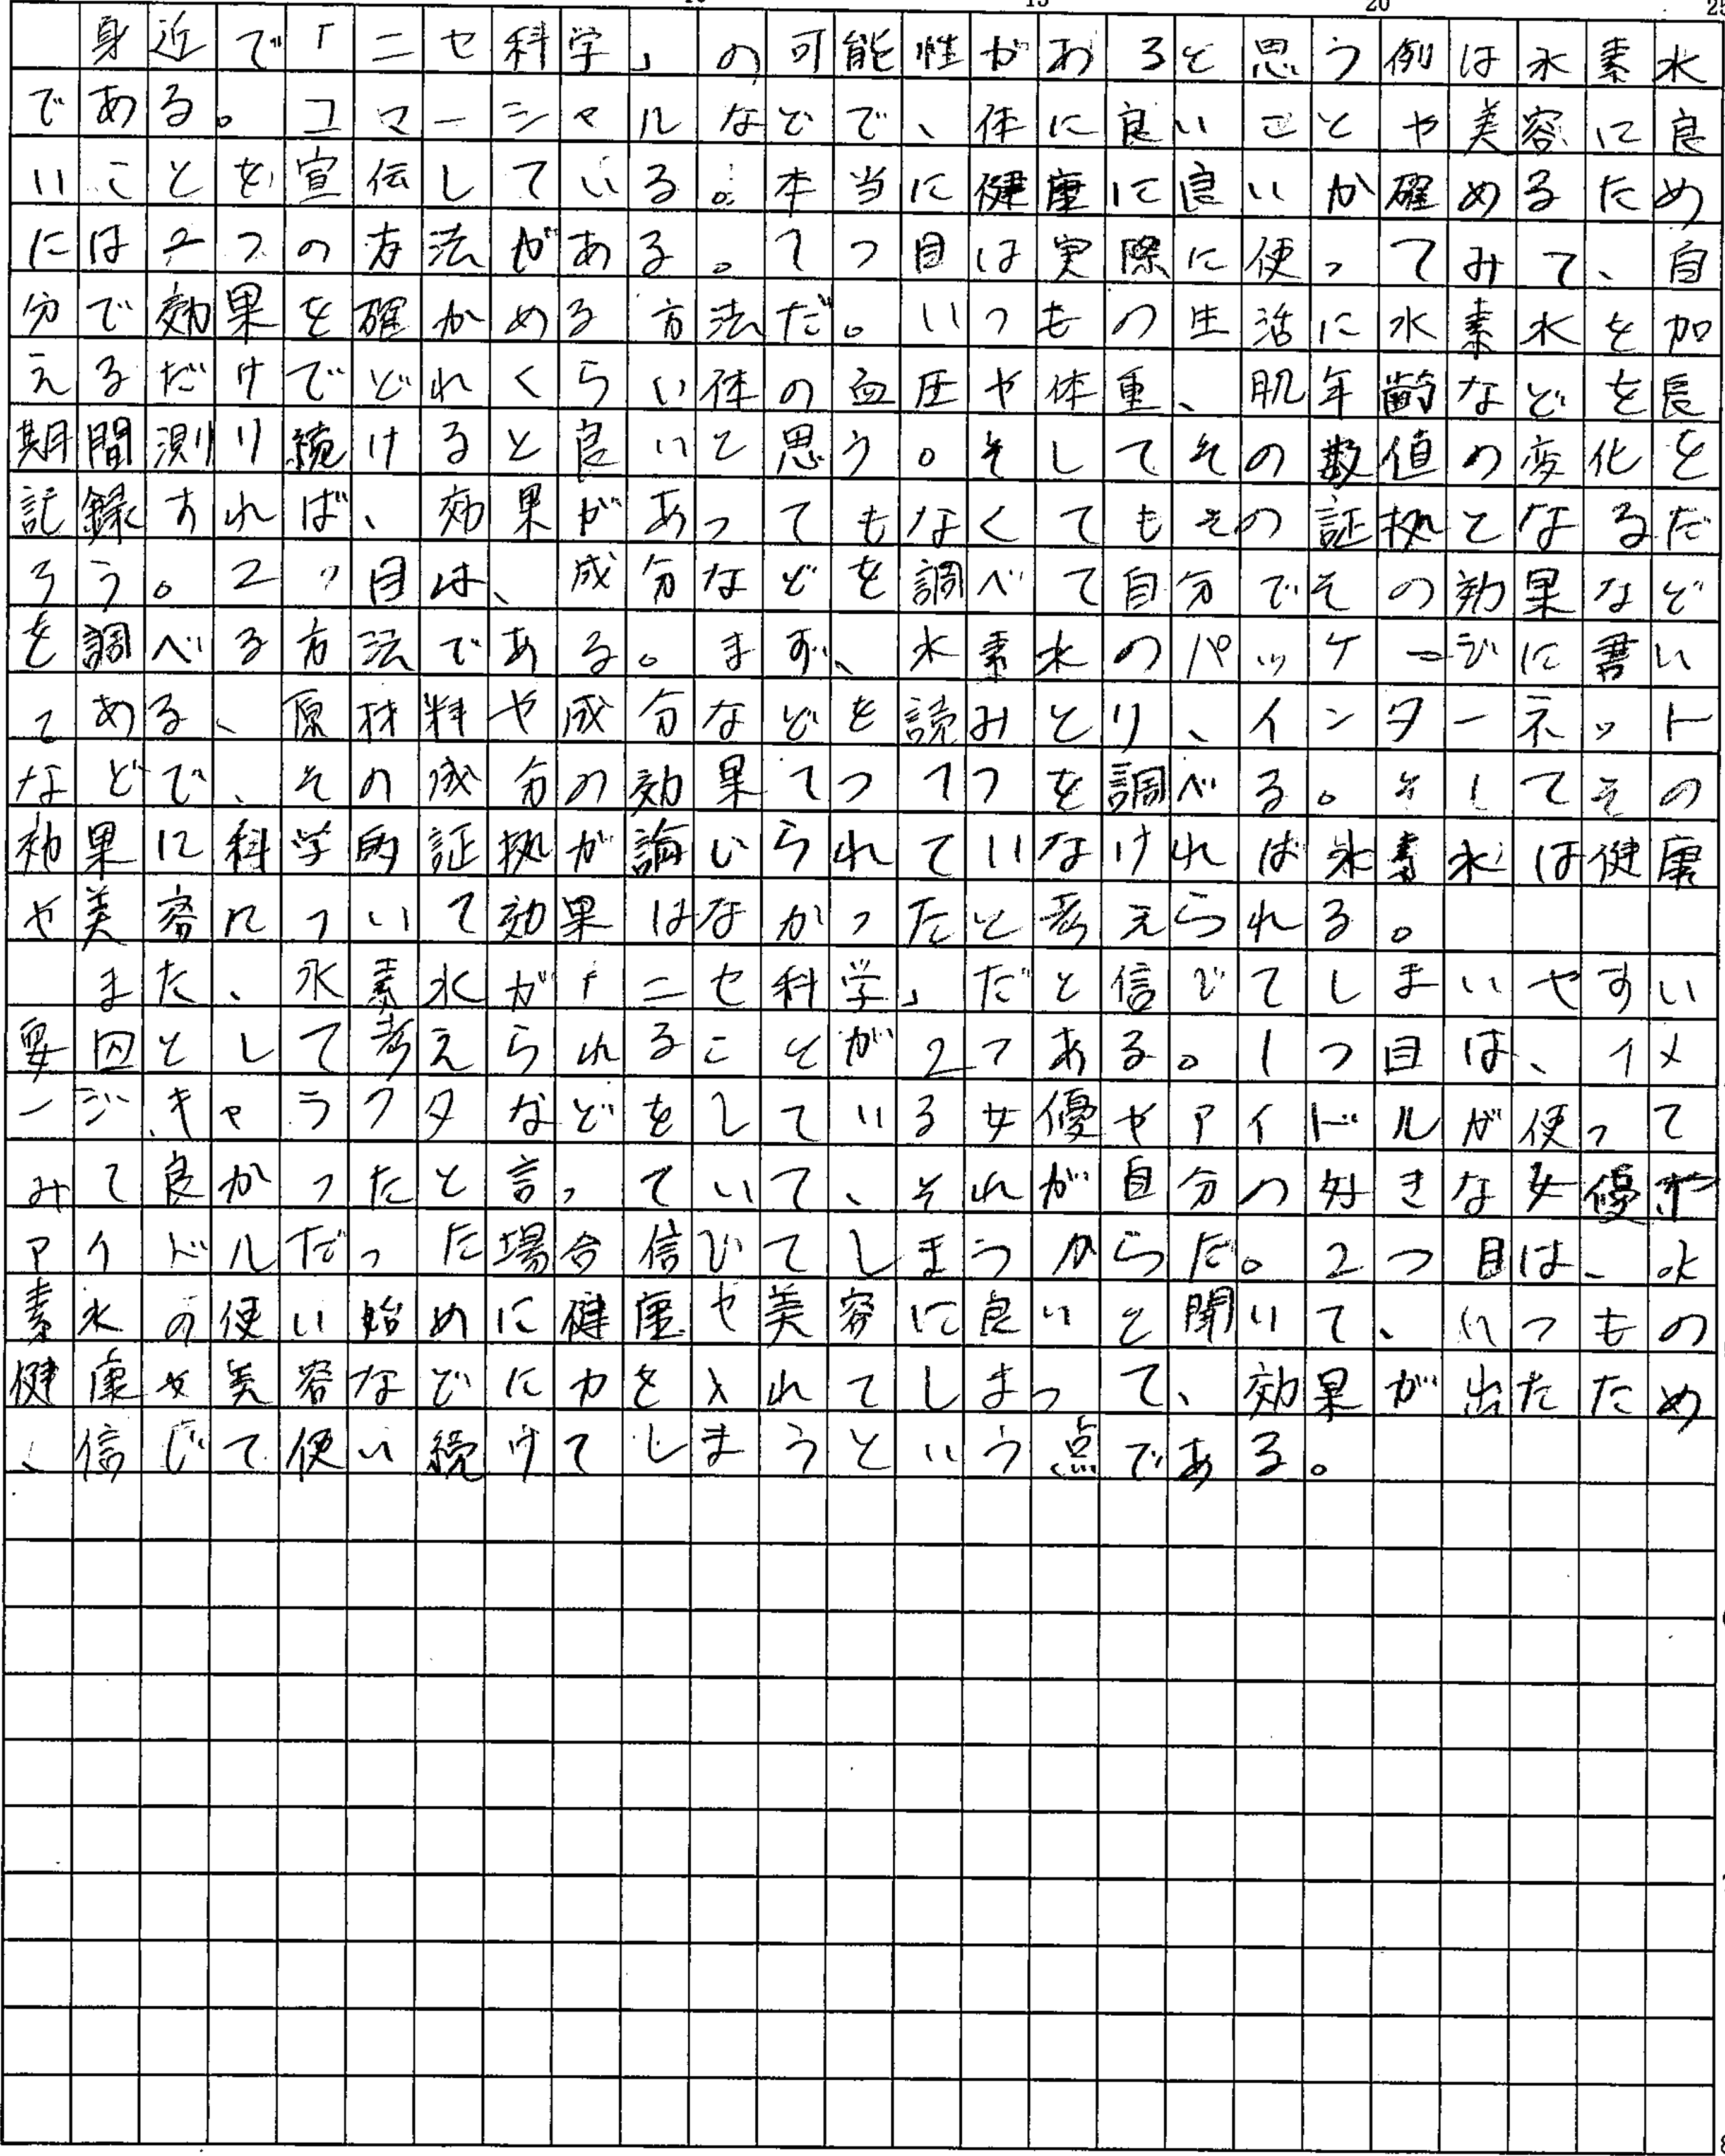　身近で「ニセ科学」の可能性があると思う例は水素水である。コマーシャルなどで、体に良いことや美容に良いことを宣伝している。本当に健康に良いか確めるためには２つの方法がある。１つ目は実際に使ってみて、自分で効果を確かめる方法だ。いつもの生活に水素水を加えるだけでどれくらい体の血圧や体重、肌年齢などを長期間測り続けると良いと思う。そしてその数値の変化を記録すれば、効果があってもなくてもその証拠となるだろう。２つ目は、成分などを調べて自分でその効果などを調べる方法である。まず、水素水のパッケージに書いてある、原材料や成分などを読みとり、インターネットなどで、その成分の効果１つ１つを調べる。そしてその効果に科学的証拠が論じられていなければ水素水は健康や美容について効果はなかったと考えられる。
　また、水素水が「ニセ科学」だと信じてしまいやすい要因として考えられることが２つある。１つ目は、イメージキャラクタなどをしている女優やアイドルが使ってみて良かったと言っていて、それが自分の好きな女優やアイドルだった場合信じてしまうからだ。２つ目は、水素水の使い始めに健康や美容に良いと聞いて、いつもの健康や美容などに力を入れてしまって、効果が出たため、信じて使い続けてしまうという点である。
